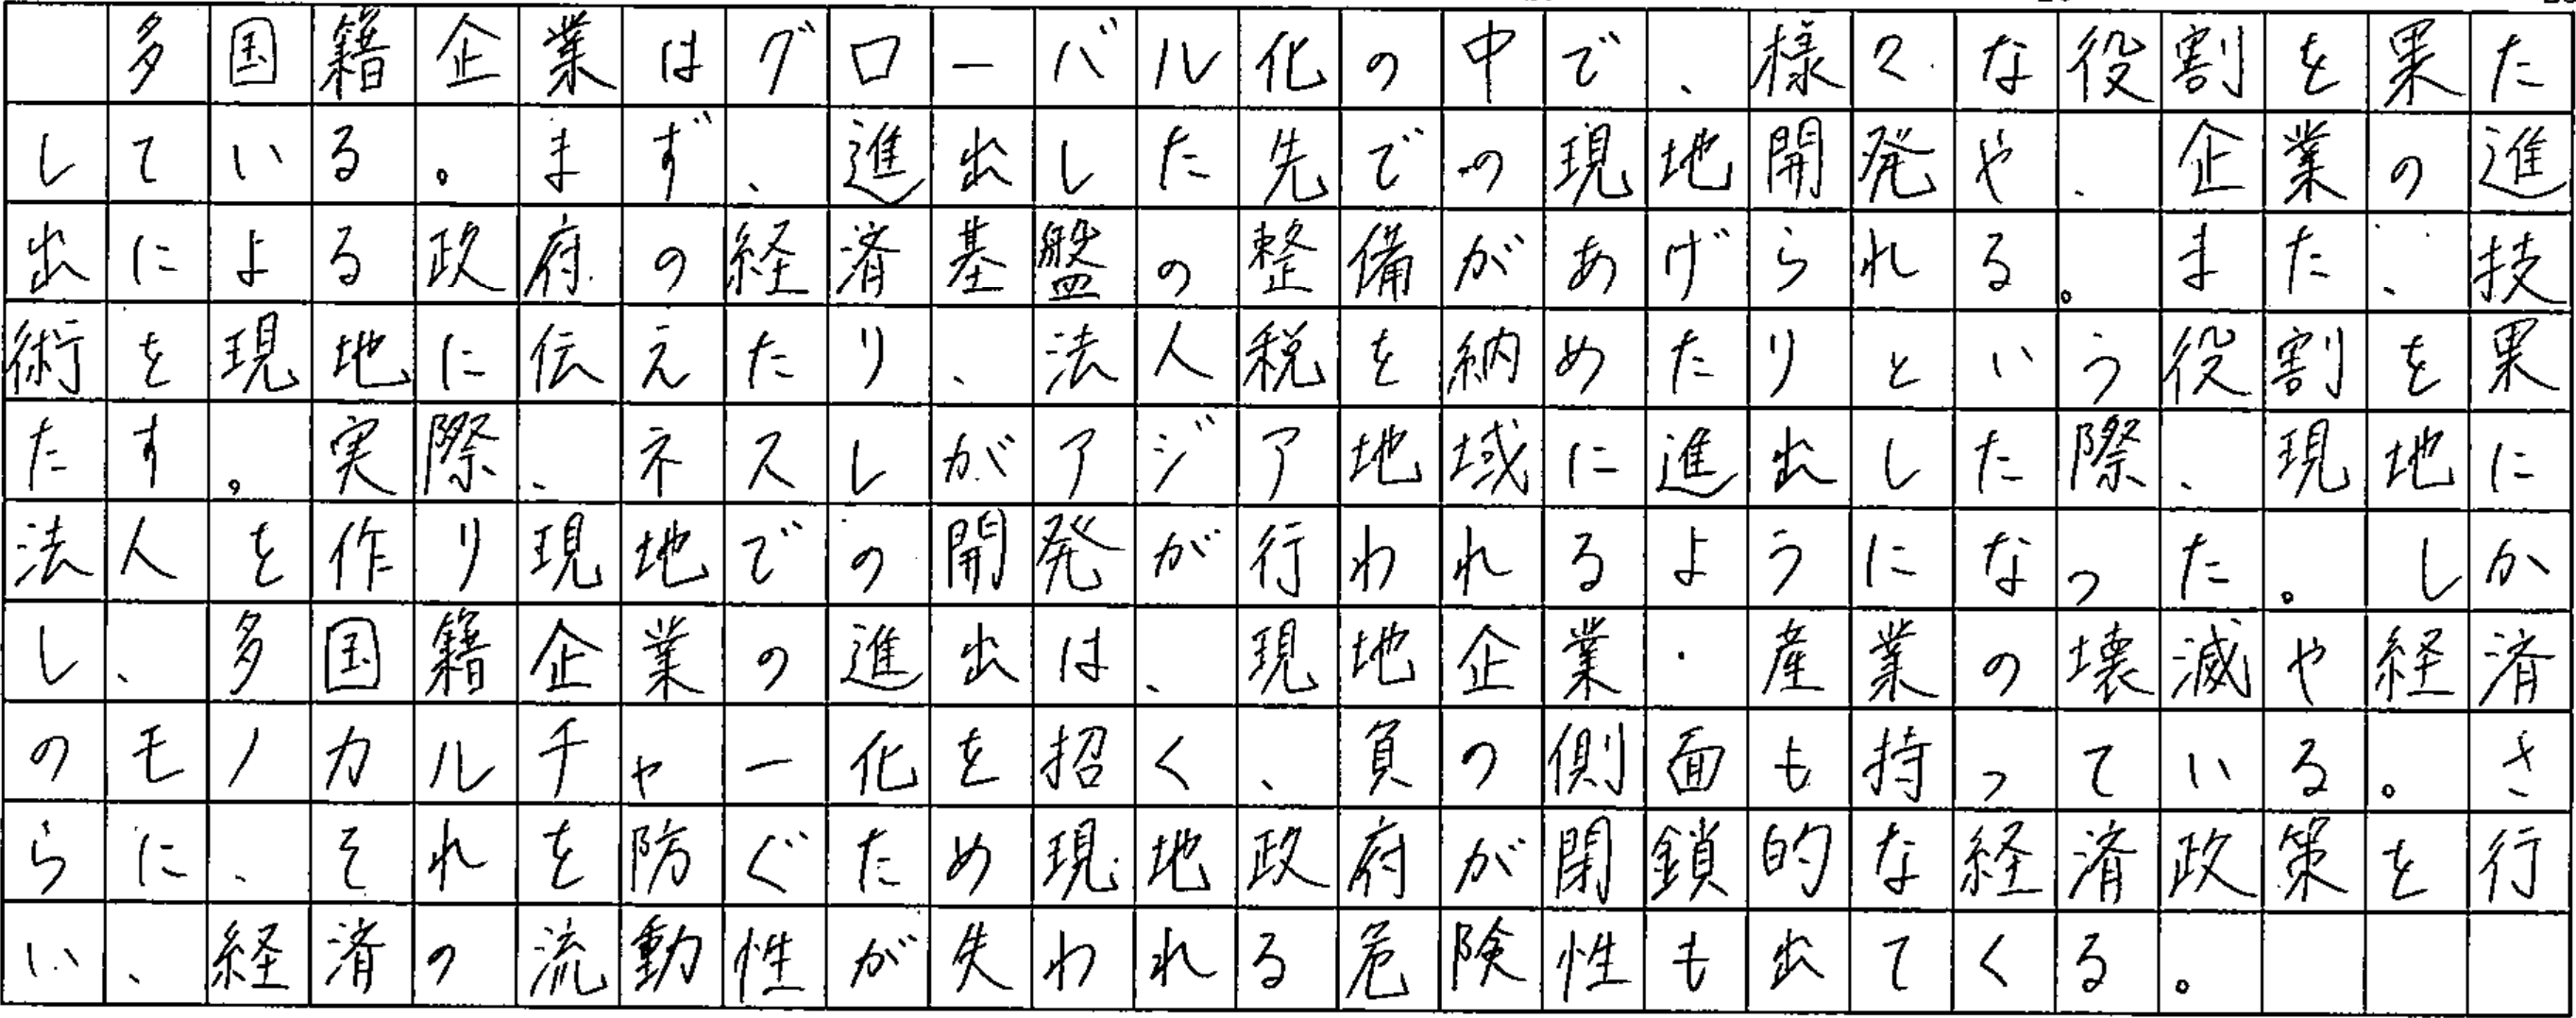　多国籍企業はグローバル化の中で、様々な役割を果たしている。まず、進出した先での現地開発や、企業の進出による政府の経済基盤の整備があげられる。また、技術を現地に伝えたり、法人税を納めたりという役割を果たす。実際、ネスレがアジア地域に進出した際、現地に法人を作り現地での開発が行われるようになった。しかし、多国籍企業の進出は、現地企業・産業の壊滅や経済のモノカルチャー化を招く、負の側面も持っている。さらに、それを防ぐため現地政府が閉鎖的な経済政策を行い、経済の流動性が失われる危険性も出てくる。
